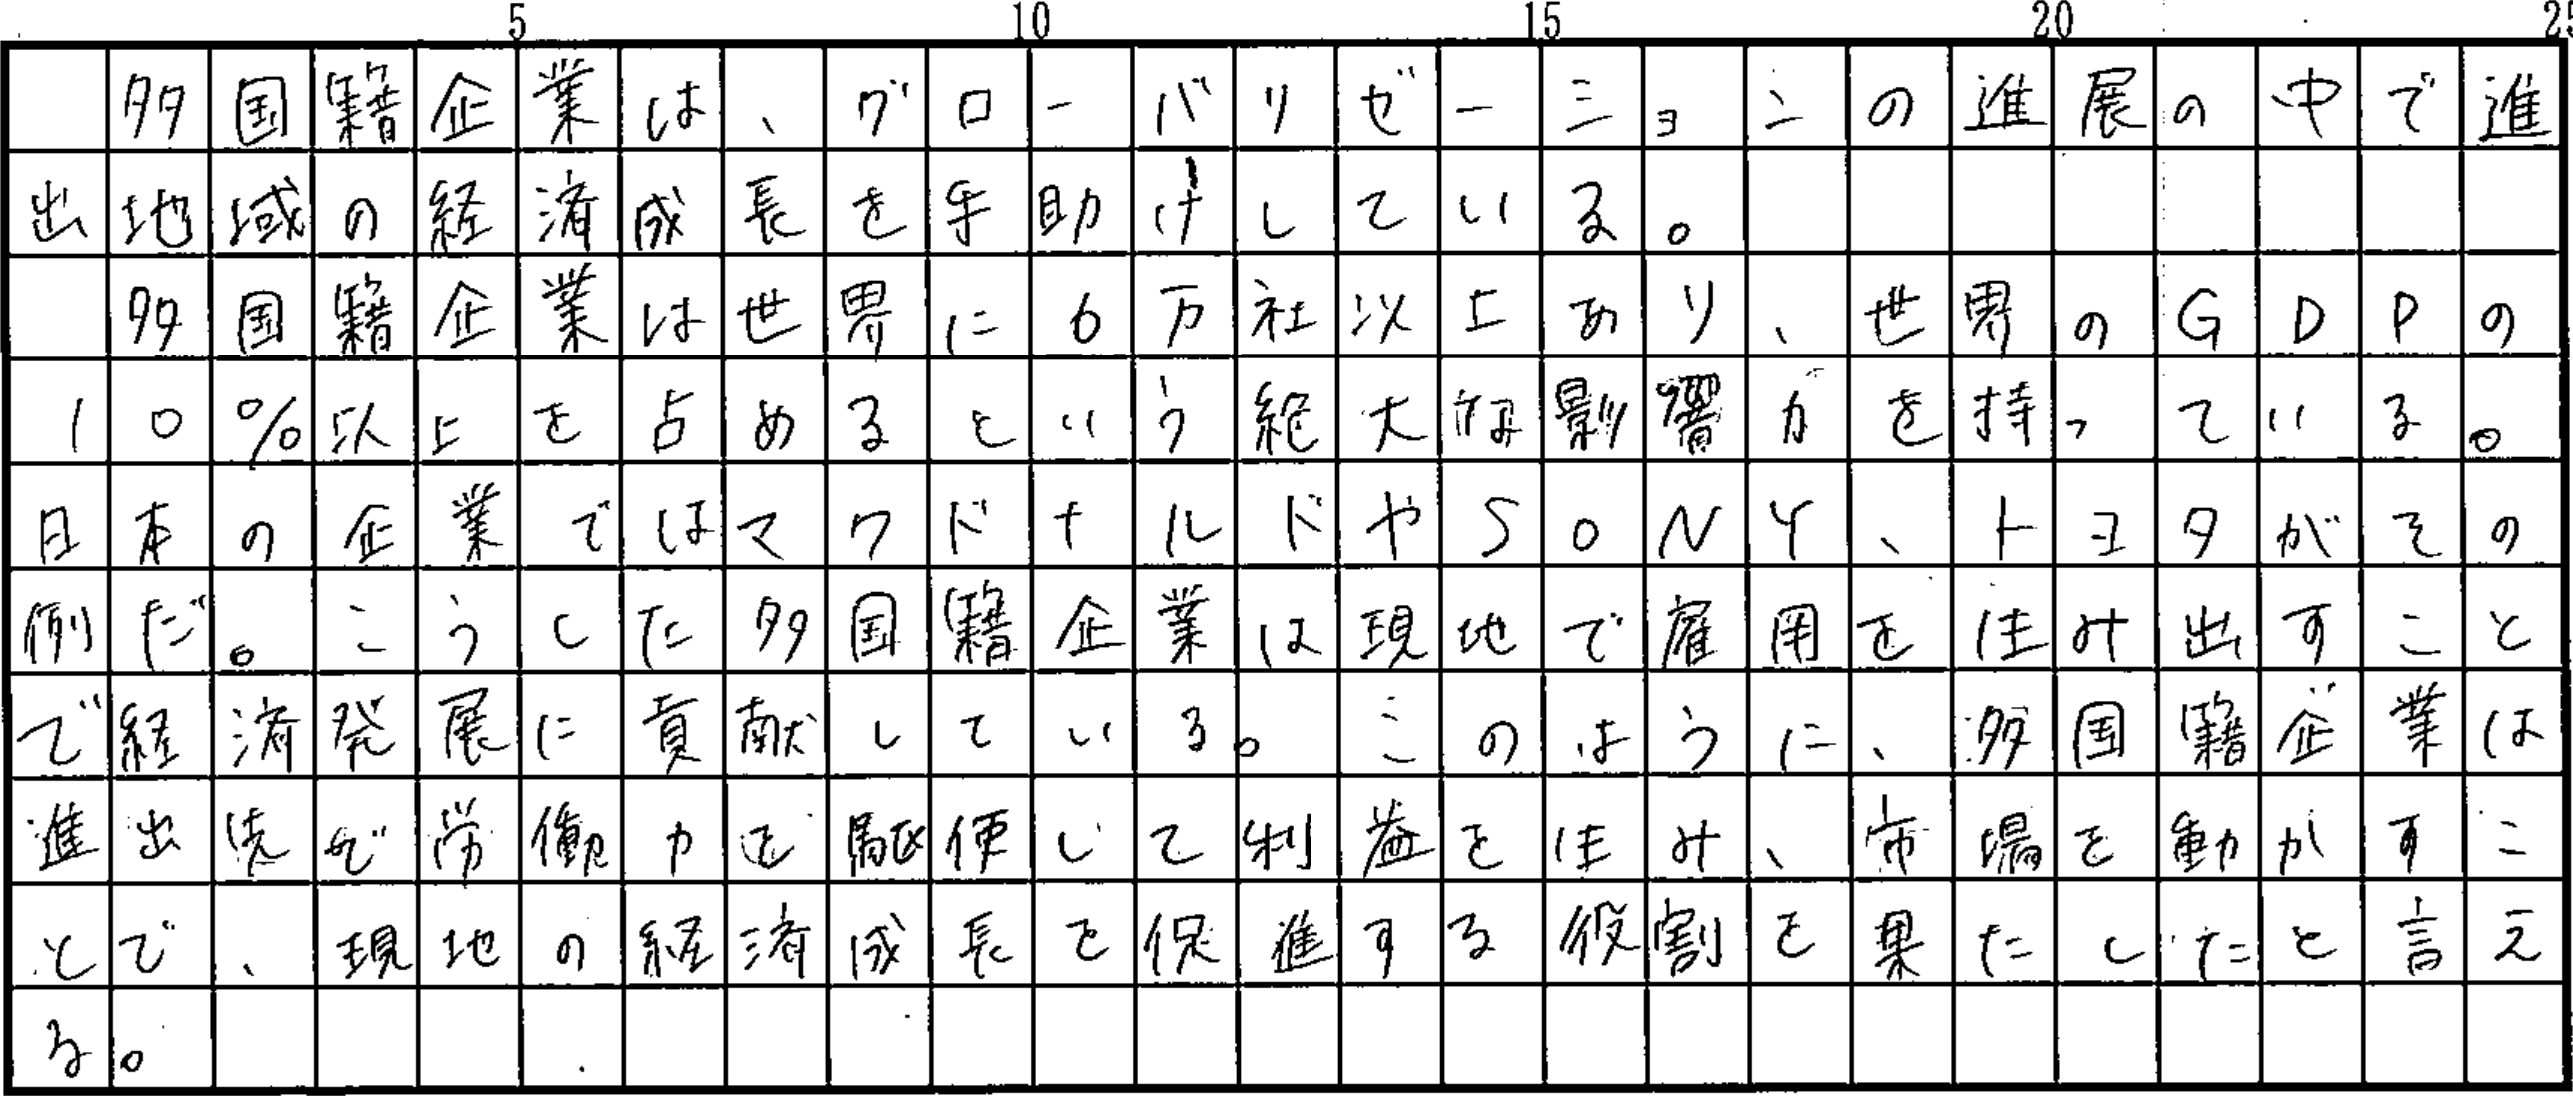　多国籍企業は、グローバリゼーションの進展の中で進出地域の経済成長を手助けしている。
　多国籍企業は世界に６万社以上あり、世界のＧＤＰの１０％以上を占めているという絶大な影響力を持っている。日本の企業ではマクドナルドやＳＯＮＹ、トヨタがその例だ。こうした多国籍企業は現地で雇用を生み出すことで経済発展に貢献している。このように、多国籍企業は進出先で労働力を駆使して利益を生み、市場を動かすことで、現地の経済成長を促進する役割を果たしたと言える。
